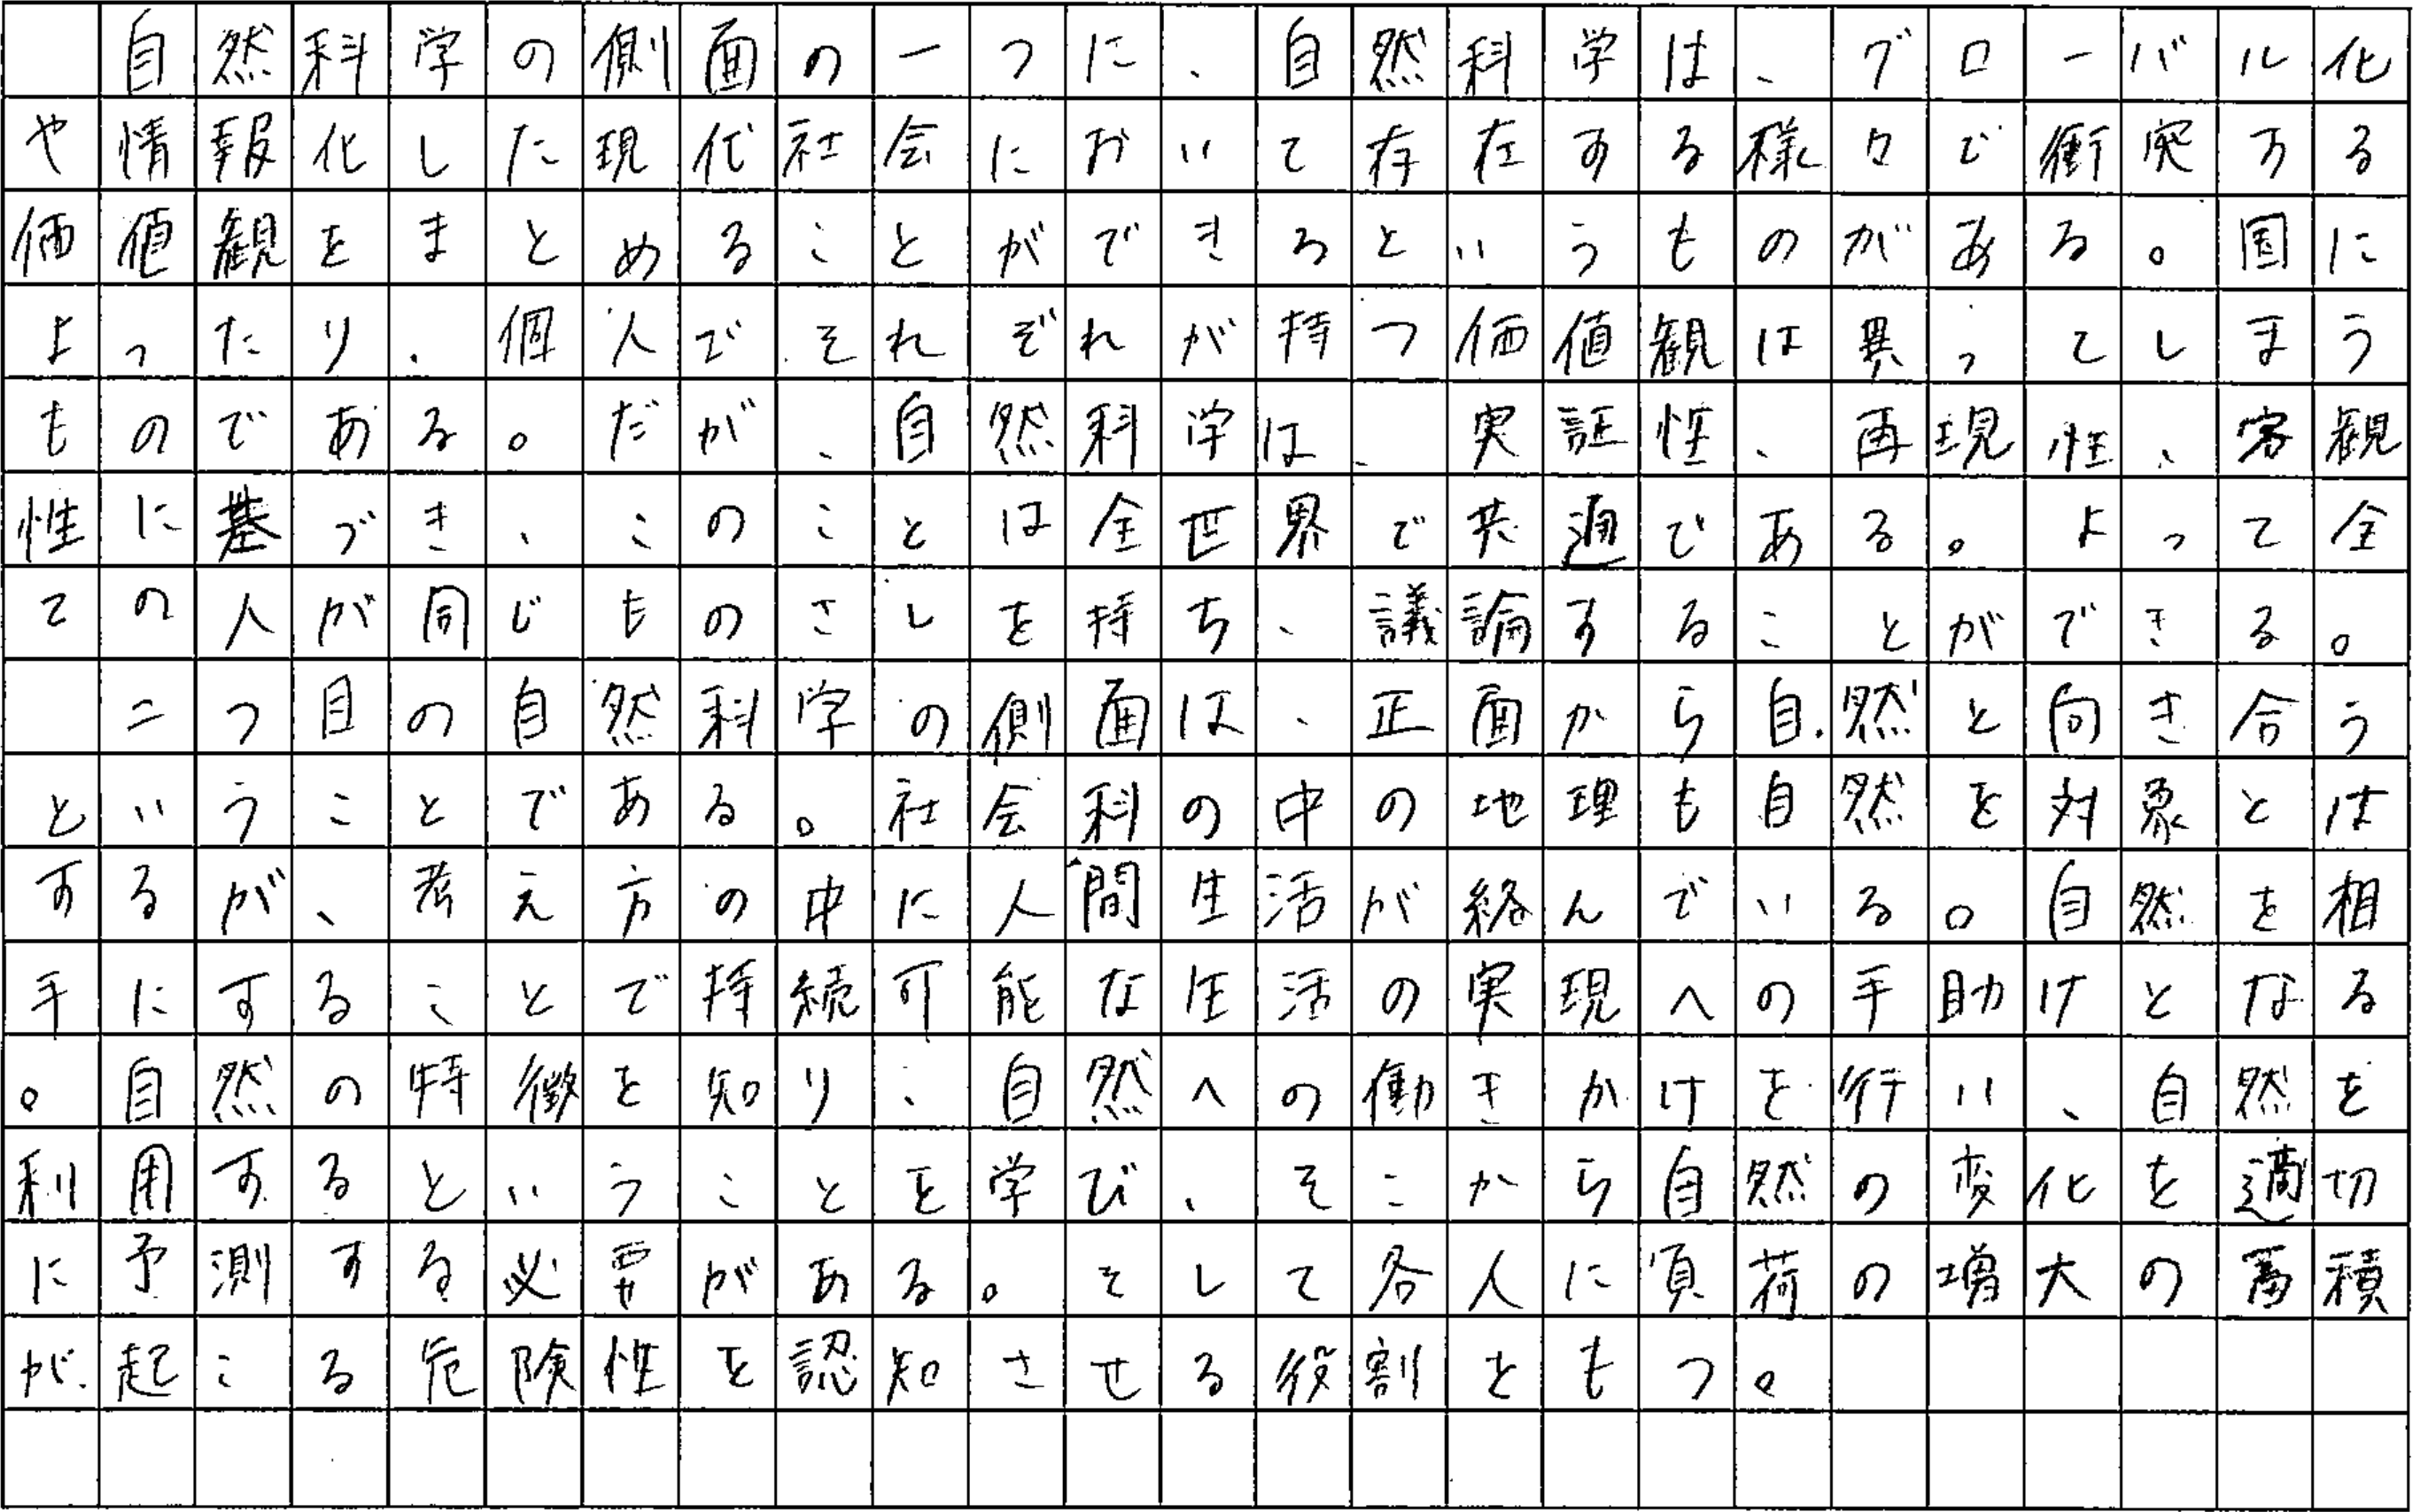　自然科学の側面の一つに、自然科学は、グローバル化や情報化した現代社会において存在する様々で衝突する価値観をまとめることができるというものがある。国によったり、個人でそれぞれが持つ価値観は異ってしまうものである。だが、自然科学は、実証性、再現性、客観性に基づき、このことは全世界で共通である。よって全ての人が同じものさしを持ち、議論することができる。
　二つ目の自然科学の側面は、正面から自然と向き合うということである。社会科の中の地理も自然を対象とはするが、考え方の中に人間生活が絡んでいる。自然を相手にすることで持続可能な生活の実現への手助けとなる。自然の特徴を知り、自然への働きかけを行い、自然を利用するということを学び、そこから自然の変化を適切に予測する必要がある。そして各人に負荷の増大の蓄積が起こる危険性を認知させる役割をもつ。
